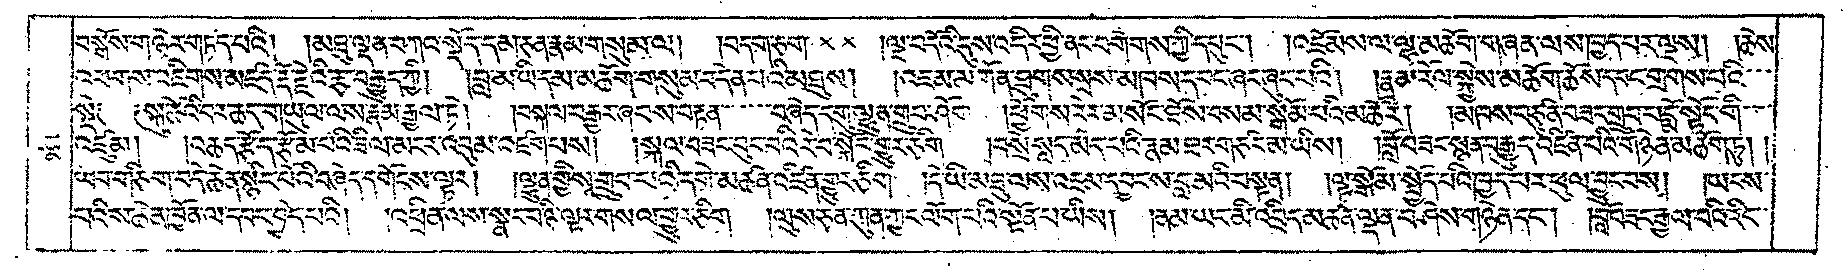བསྒོས་གཉེར་གཏད་པའི། །མཐུ་ལྡན་བཀའ་སྡོད་དམ་ཅན་རྣམ་གསུམ་ལ། །བདག་ཅག་྾་྾་།ལྔ་བདོའི་དུས་འདིར་ཕྱི་ནང་བགེགས་ཀྱི་དཔུང་། །འཇོམས་ལ་ལྷ་མཆོག་གཞན་ལས་ཁྱད་པར་ལྔས། །ཆེས་
འཕགས་འཇིགས་མཛད་རྡོ་རྗེའི་རྩ་བརྒྱུད་ཀྱི། །བླ་མ་ཡི་དམ་མཆོག་གསུམ་བདེན་པའི་མཐུས། །འཇམ་མགོན་ཐུགས་སྲས་མཁས་དབང་ཞང་ཞུང་པའི། །རྣམ་རོལ་སྐྱེས་མཆོག་ཆོས་དབང་གྲགས་པའི་
སྡེ༑ ༑སྐུ་ཚེའི་བར་ཆད་གཡུལ་ལས་རྣམ་རྒྱལ་ཏེ། །བསྐལ་བརྒྱར་ཞབས་བརྟན་བཞེད་དགུ་ལྷུན་གྲུབ་ཤོག །ཕྱོགས་རེར་མ་སོང་ཐོས་བསམ་སྒོམ་པའི་མཚོར། །མཁས་བཙུན་བཟང་གྲུབ་པདམོ་སྟོང་གི་
འཛུམ། །འཆད་རྩོད་རྩོམ་པའི་ཟིལ་མངར་འབུམ་འཛག་པས། །སྐལ་བཟང་བུང་བའི་རེ་བ་སྐོང་གྱུར་ཅིག །བསྲེ་སླད་མེད་པའི་རྣམ་ཐར་གཙང་མ་ཡིས། །བློ་བཟང་སྙན་བརྒྱུད་འཛིན་པའི་གཉེན་མཆོག་ཏུ། །
ཡབ་གཅིག་བདེ་ཆེན་སྙིང་པོའི་བཞེད་དགོངས་ལྟར། །ལྷུན་གྱིས་འགྲུབ་པའི་དགེ་མཚན་འཛིན་གྱུར་ཅིག །དེ་ཡི་མཐུ་ལས་འཇམ་དབྱངས་བླ་མའི་བསྟན། །ལྟ་སྒོམ་སྤྱོད་པའི་ཁྱད་པར་ཕུལ་བྱུང་བས། །ཡངས་
པའི་ས་ཆེན་ཁྱོན་ལ་དབང་བྱེད་པའི། །འཕྲིན་ལས་སྣང་བ་ཉི་ལྟར་གསལ་གྱུར་ཅིག །ལུས་ཅན་ཀུན་ཀྱང་ལོག་པའི་སྟོན་པ་ཡིས། །ནམ་ཡང་མི་འབྲིད་མཚན་ལྡན་བཤེས་གཉེན་དང་། །བློ་བཟང་རྒྱལ་བའི་རིང་